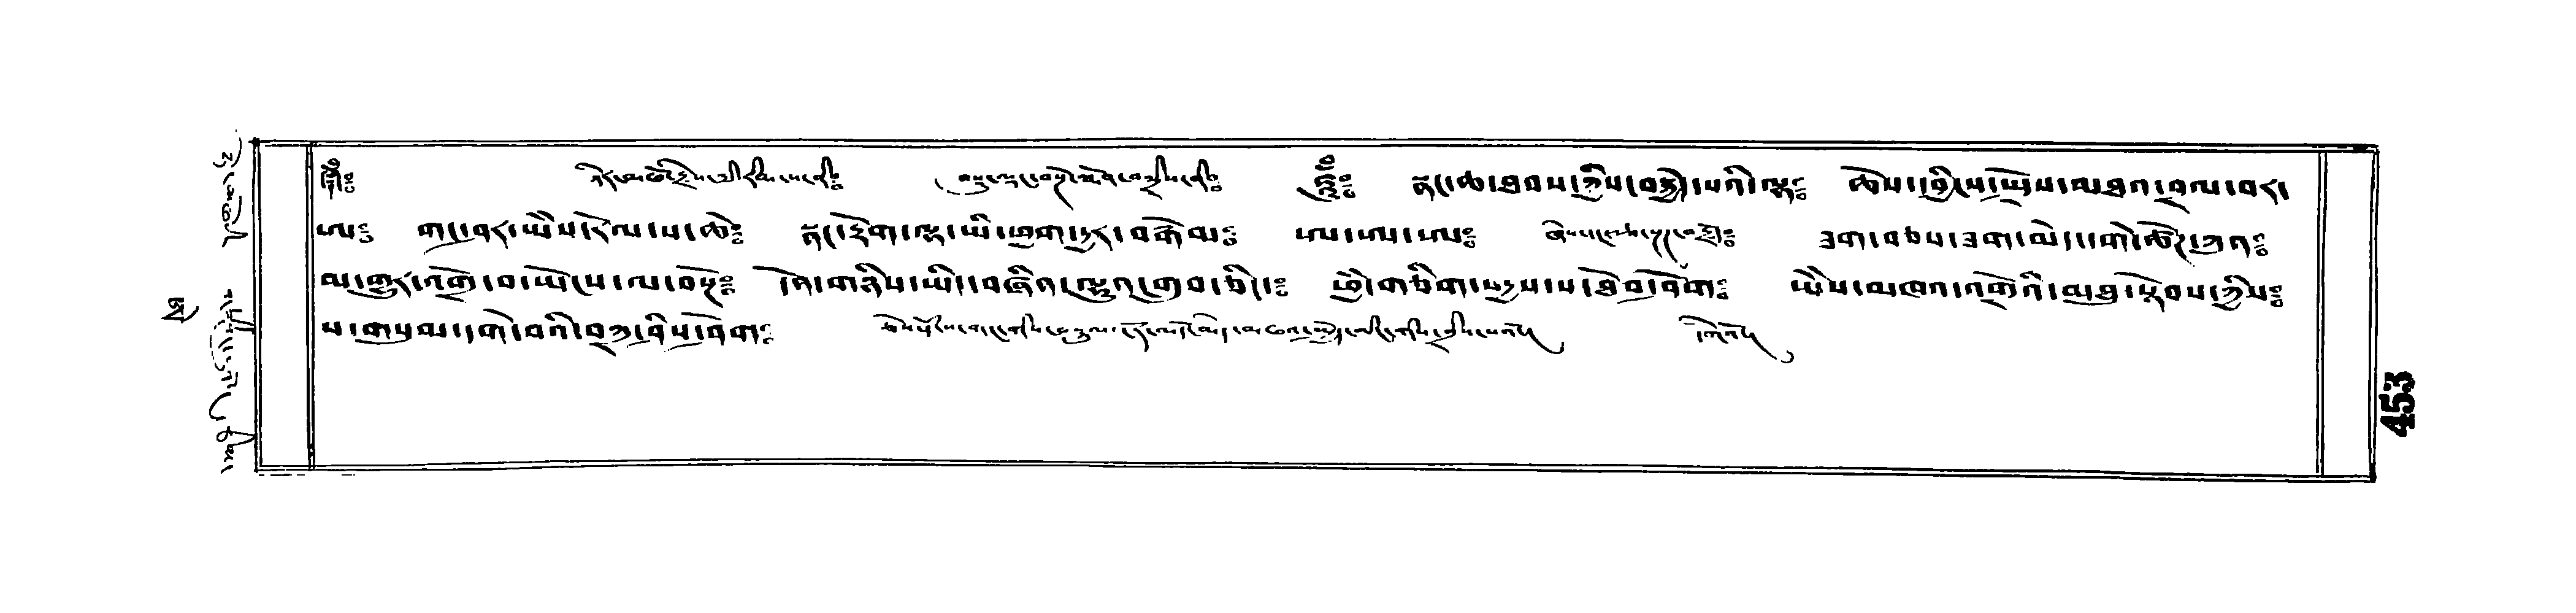ཉེར་མཁོ་རྗེས་ཀྱི་རིམ་པ་ནི༔ བསྡུ་ལྡང་བསྔོ་སྨོན་བཀྲ་ཤིས་ནི༔ ཧཱུྃ༔ སྣང་ཆ་ཐབས་ཀྱིས་བསྐྱེད་པའི་ལྷ༔ ཆོས་དབྱིངས་སྤྲོས་མཐའ་བྲལ་བར་
ཨཱཿ གང་ཤར་ཡེ་ཤེས་རོལ་པ་ཆེ༔ སྣང་རྟོག་ལྷ་ཡི་ཕྱག་རྒྱར་བསྒོམ༔ ཨ་ཨ་ཨཱཿ ཞེས་དང་རྩ་སྔགས་བརྗོད༔ ཟག་བཅས་ཟག་མེད་དགེ་ཚོགས་ཀུན༔ 
ས་གསུམ་དགེ་བའི་བཀྲ་ཤིས་ཤོག༔ ཅེས་དམ་པ་གང་གིས་བསྐུལ་ངོར་མདོ་མེད་མཁའ་སྤྱོད་མིང་གིས་བྲིས་པའོ།། མངྒ་ལམ།།